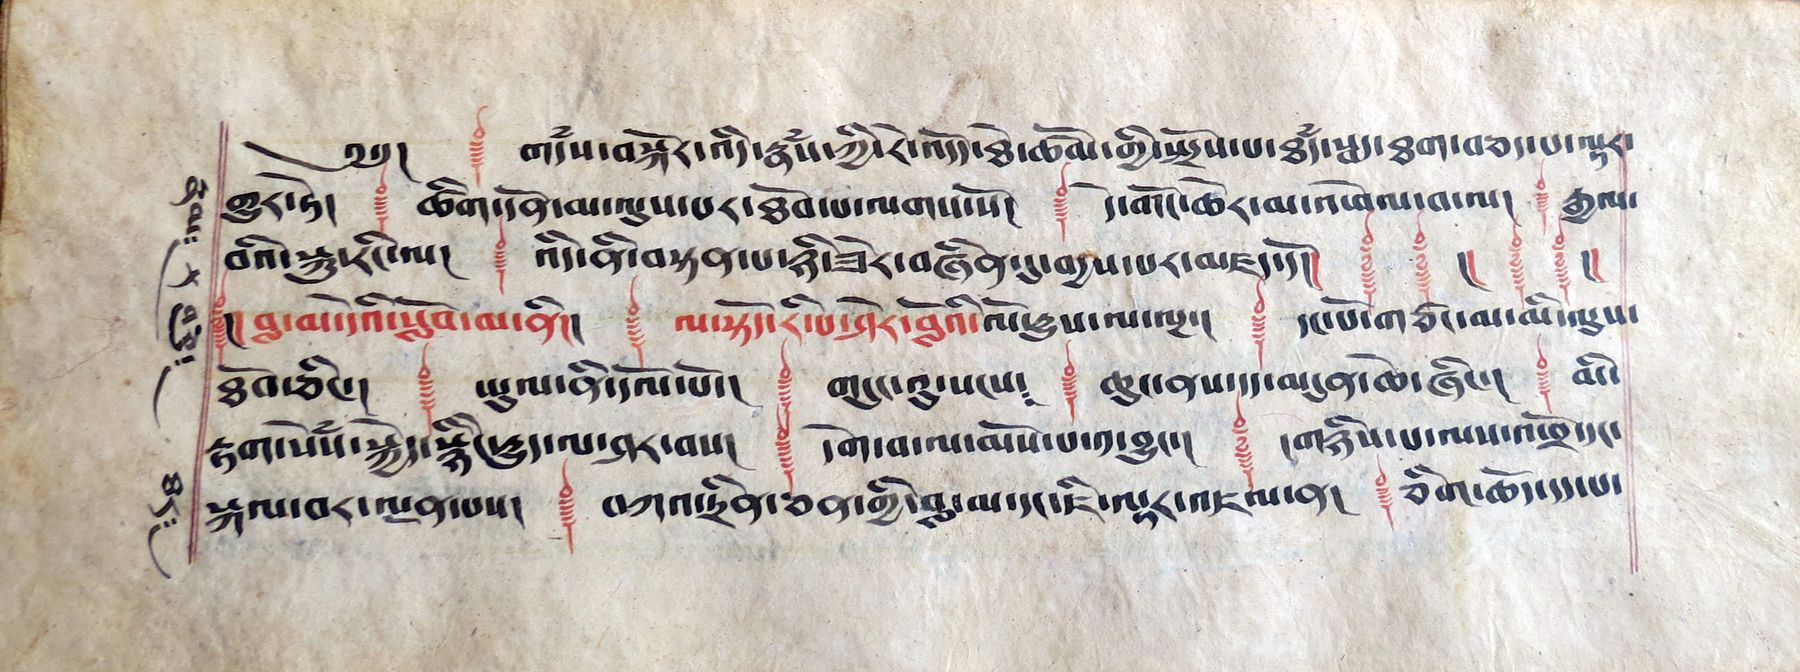གདམས་སྐོར་འདི་རྣམས་ཀྱི་རེ་འདོད་ཐེ་ཚོམ་ཀྱི་སྤྲོས་པ་ཐམས་ཅད་སྦ་ཐག་བཅད་པ་ལྟར་
གྱུར་ཏེ། ཚིག་དོན་མ་ལུས་པ་ཐོབ་པ་ལགས་སོ། ། དེ་གོང་ཆེར་མ་འཕེལ་བ་ལ། རྒྱལ་
བའི་སྐུ་རིང་ལ། འདི་ནི་བསྟན་པ་ཉི་ཟེར་བཞིན་ཏུ་རྒྱས་པར་མཛད་དོ། 
། བླ་མ་དེའི་སློབ་མ་ནི། ལ་སྟོད་རི་པ་ཤེར་བློའི་ལོ་རྒྱུས་ལ་ལྔ། དང་པོ་གཙང་མ་མི་ལུས་
ཐོབ་ཅིང་ཡུལ་ནི་དོལ་པོ། གདུང་རུས་སངས། ཆུང་ནས་དད་འདུན་ཆེ་ཞིང་ ། མི་
རྟག་སེམས་བསྐྱེད་སྙིང་རྗེ་རྒྱུད་ལ་ཤར། དགེ་བ་ལ་མོས་པ་ཞིག་བྱུང་། གཉིས་པ་ལས་འཕྲོ་དང་
སྐལ་པར་ལྡན་པས། བཀའ་དྲིན་ཅན་གྱི་བླ་མ་དང་ཇི་ལྟར་མཇལ་ན། གཅིག་ཆོད་དད་པ་